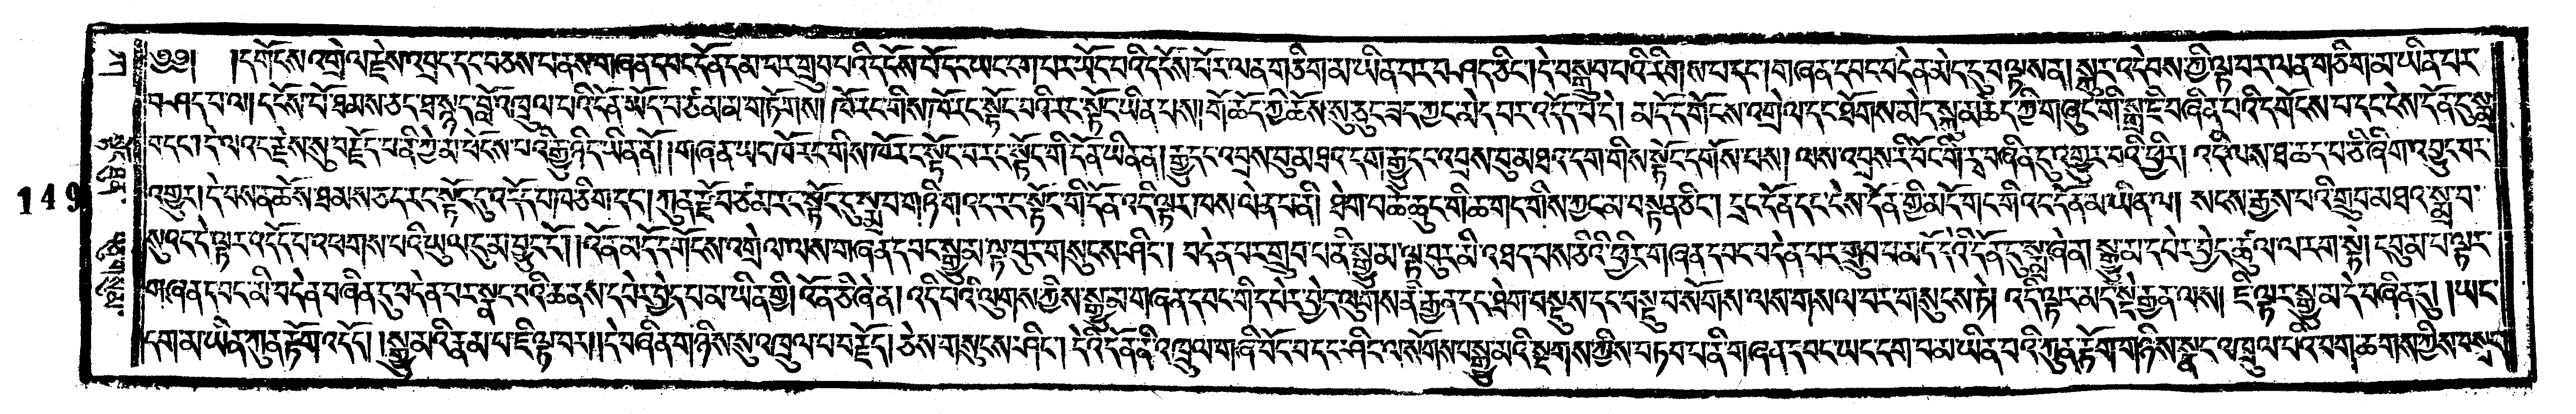༄༅། །དགོངས་འགྲེལ་རྗེས་འབྲང་དང་བཅས་པ་ནས་གཞན་དབང་དོན་དམ་པར་གྲུབ་པའི་དངོས་པོ་དང་ཡང་དག་པར་ཡོད་པའི་དངོས་པོར་ལན་གཅིག་མ་ཡིན་པར་བཤད་ཅིང་། དེ་བསྒྲུབ་པའི་རིགས་པ་དང་། གཞན་དབང་བདེན་མེད་དུ་བལྟས་ན། སྐུར་འདེབས་ཀྱི་ལྟ་བར་ལན་གཅིག་མ་ཡིན་པར་
བཤད་པ་ལ། དངོས་པོ་ཐམས་ཅད་ཐ་སྙད་བློ་འཁྲུལ་པའི་དོན་ཡོད་པ་ཙམ་ན་གཏོགས། ཁོ་རང་གིས་ཁོ་རང་སྟོང་བའི་རང་སྟོང་ཡིན་པས། གོ་ཆོད་ཀྱི་ཆོས་སུ་ཅུང་ཟད་ཀྱང་མེད་པར་འདོད་པ་དེ། མདོ་དགོངས་འགྲེལ་དང་ཐོགས་མེད་སྐུ་མཆེད་ཀྱི་གཞུང་གི་སྒྲ་ཇི་བཞིན་པའི་དགོངས་བ་དང་ངེས་དོན་དུ་སྨྲ་
བ་དང་། དེ་ལའང་རྗེས་སུ་བརྗོད་པ་ནི་ཀྱེ་མ་ཕོངས་པའི་རྒྱུ་ཉིད་ཡིན་ནོ། །གཞན་ཡང་ཁོ་རང་གིས་ཁོ་རང་སྟོང་བ་རང་སྟོང་གི་དོན་ཡིན་ན། རྒྱུ་དང་འབྲས་བུ་མཐའ་དག་རྒྱུ་དང་འབྲས་བུ་མཐའ་དག་གིས་སྟོང་དགོས་པས། ལས་འབྲས་རི་བོང་གི་རྭ་བཞིན་དུ་འགྱུར་བའི་ཕྱིར། འདི་ལས་ཐ་ཆད་པ་ཅི་ཞེག་འབྱུང་བར་
འགྱུར། དེ་བས་ན་ཆོས་ཐམས་ཅད་རང་སྟོང་དུ་འདོད་པ་ཁ་ཅིག་དང་། ཀུན་རྫོབ་ཙམ་རང་སྟོང་དུ་སྨྲ་བ་གཉི་གའང་རང་སྟོང་གི་དོན་འདི་ལྟར་ཁས་ལེན་པ་ནི། ཐེག་པ་ཆེ་ཆུང་གི་ཆ་གང་གིས་ཀྱང་མ་བསྟན་ཅིང་། དྲང་དོན་དང་ངེས་དོན་གྱི་མདོ་གང་གི་འང་དོན་མ་ཡིན་ལ། སངས་རྒྱས་པའི་གྲུབ་མཐའ་སྨྲ་བ་
སུའང་དེ་ལྟར་འདོད་པ་འཕགས་པའི་ཡུལ་དུ་མ་བྱུང་ངོ། །འོ་ན་མདོ་དགོངས་འགྲེལ་ལས་གཞན་དབང་སྒྱུ་མ་ལྟ་བུར་གསུངས་ཤིང་། བདེན་པར་གྲུབ་པ་ནི་སྒྱུ་མ་ལྟ་བུར་མི་འཐད་པས་ཅིའི་ཕྱིར་གཞན་དབང་བདེན་པར་གྲུབ་པ་མདོ་དེའི་དོན་དུ་སྨྲ་ཞེ་ན། སྒྱུ་མ་དཔེར་བྱེད་ཚུལ་ལ་རག་སྟེ། དབུ་མ་པ་ལྟར་
གཞན་དབང་མི་བདེན་བཞིན་དུ་བདེན་པར་སྣང་བའི་ཆ་ནས་དཔེར་བྱེད་པ་མ་ཡིན་གྱི། འོན་ཅི་ཞེ་ན། འདི་པའི་ལུགས་ཀྱིས་སྒྱུ་མ་གཞན་དབང་གི་དཔེར་བྱེད་ལུགས་ནི་རྒྱན་དང་ཐེག་བསྡུས་དང་བསྡུ་བ་སོགས་ལས་གསལ་བར་གསུངས་ཏེ། འདི་ལྟར་མདོ་སྡེ་རྒྱན་ལས། ཇི་ལྟར་སྒྱུ་མ་དེ་བཞིན་དུ། །ཡང་
དག་མ་ཡིན་ཀུན་རྟོག་འདོད། །སྒྱུ་མའི་རྣམ་པ་ཇི་ལྟ་བར། །དེ་བཞིན་གཉིས་སུ་འཁྲུལ་པ་བརྗོད། ཅེས་གསུངས་ཤིང་། དེའི་དོན་ནི་འཁྲུལ་གཞི་བོང་བ་དང་ཤིང་ལ་སོགས་པ་སྒྱུ་མའི་སྔགས་ཀྱིས་བཏབ་པ་ནི་གཞན་དབང་ཡང་དག་པ་མ་ཡིན་པའི་ཀུན་རྟོག་གཉིས་སྣང་འཁྲུལ་པའི་བག་ཆགས་ཀྱིས་བསྲང་